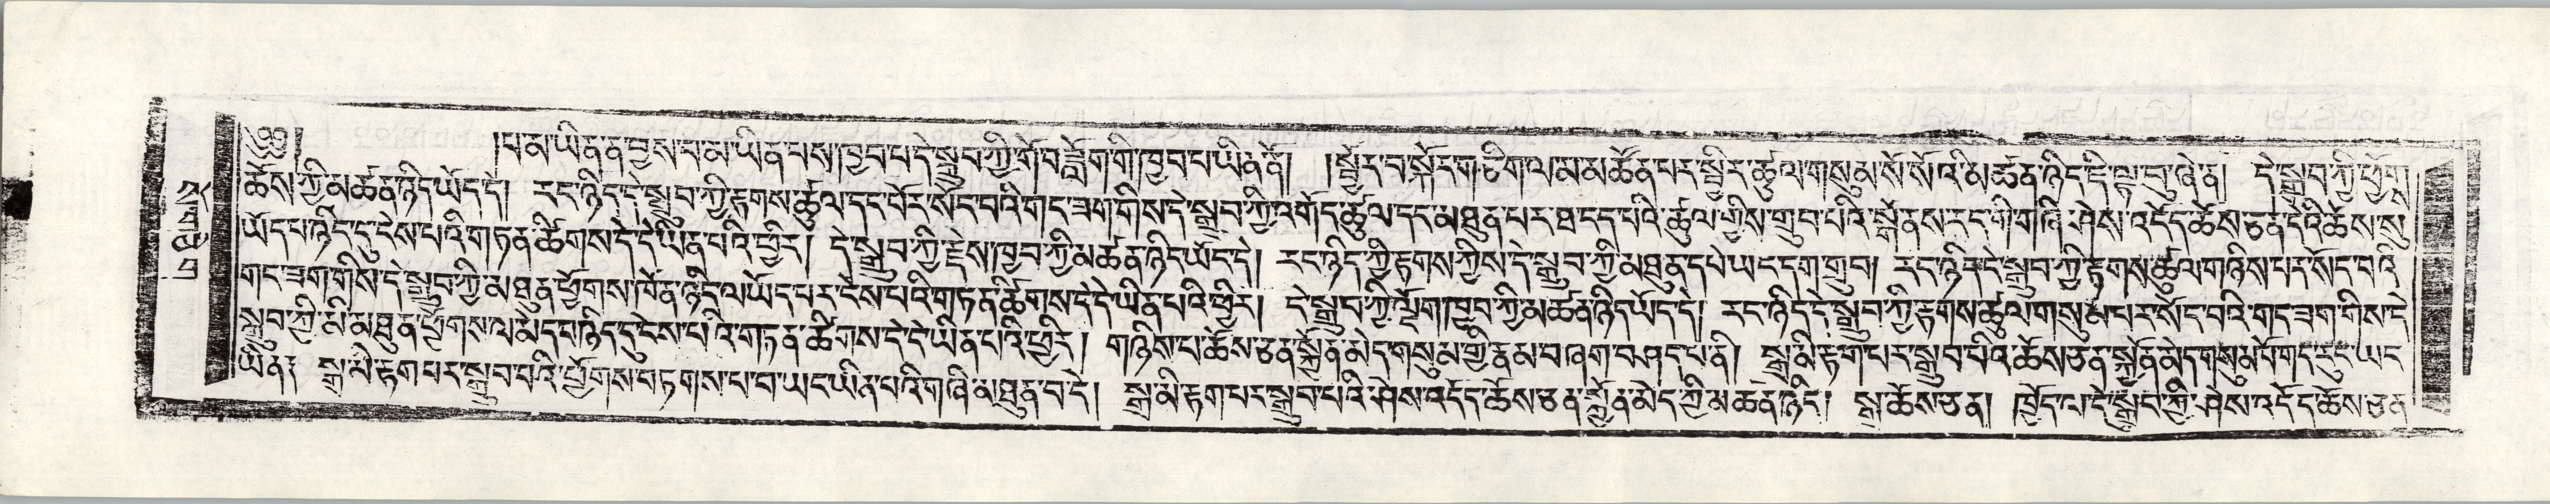༄༅། །པ་མ་ཡིན་ན་བྱས་པ་མ་ཡིན་པས་ཁྱབ་པ་དེ་སྒྲུབ་ཀྱི་གོ་བཟློག་གི་ཁྱབ་པ་ཡིན་ནོ། །སྦྱོར་བ་སྐོར་གཅིག་ལ་མ་མཚོན་པར་སྤྱིར་ཚུལ་གསུམ་སོ་སོའི་མཚན་ཉིད་ཇི་ལྟ་བུ་ཞེ་ན། དེ་སྒྲུབ་ཀྱི་ཕྱོགས་
ཆོས་ཀྱི་མཚན་ཉིད་ཡོད་དེ། རང་ཉིད་དེ་སྒྲུབ་ཀྱི་རྟགས་ཚུལ་དང་པོར་སོང་བའི་གང་ཟག་གིས་དེ་སྒྲུབ་ཀྱི་འགོད་ཚུལ་དང་མཐུན་པར་ཐ་དད་པའི་ཚུལ་གྱིས་གྲུབ་པའི་སྒོ་ནས་རང་གི་གཞི་ཤེས་འདོད་ཆོས་ཅན་དེའི་ཆོས་སུ་
ཡོད་པ་ཉིད་དུ་ངེས་པའི་གཏན་ཚིགས་དེ་དེ་ཡིན་པའི་ཕྱིར། དེ་སྒྲུབ་ཀྱི་རྗེས་ཁྱབ་ཀྱི་མཚན་ཉིད་ཡོད་དེ། རང་ཉིད་ཀྱི་རྟགས་ཀྱིས་དེ་སྒྲུབ་ཀྱི་མཐུན་དཔེ་ཡང་དག་གྲུབ། རང་ཉིད་དེ་སྒྲུབ་ཀྱི་རྟགས་ཚུལ་གཉིས་པར་སོང་བའི་
གང་ཟག་གིས་དེ་སྒྲུབ་ཀྱི་མཐུན་ཕྱོགས་ཁོ་ན་ཉིད་ལ་ཡོད་པར་ངེས་པའི་གཏན་ཚིགས་དེ་དེ་ཡིན་པའི་ཕྱིར། དེ་སྒྲུབ་ཀྱི་ལྡོག་ཁྱབ་ཀྱི་མཚན་ཉིད་ཡོད་དེ། རང་ཉིད་དེ་སྒྲུབ་ཀྱི་རྟགས་ཚུལ་གསུམ་པར་སོང་བའི་གང་ཟག་གིས་དེ་
སྒྲུབ་ཀྱི་མི་མཐུན་ཕྱོགས་ལ་མེད་པ་ཉིད་དུ་ངེས་པའི་གཏན་ཚིགས་དེ་དེ་ཡིན་པའི་ཕྱིར། གཉིས་པ་ཆོས་ཅན་སྐྱོན་མེད་གསུམ་གྱི་རྣམ་བཞག་བཤད་པ་ནི། སྒྲ་མི་རྟག་པར་སྒྲུབ་པའི་ཆོས་ཅན་སྐྱོན་མེད་གསུམ་པོ་གང་རུང་ཡང་
ཡིན། སྒྲ་མི་རྟག་པར་སྒྲུབ་པའི་ཕྱོགས་བཏགས་པ་བ་ཡང་ཡིན་པའི་གཞི་མཐུན་པ་དེ། སྒྲ་མི་རྟག་པར་སྒྲུབ་པའི་ཤེས་འདོད་ཆོས་ཅན་སྐྱོན་མེད་ཀྱི་མཚན་ཉིད། སྒྲ་ཆོས་ཅན། ཁྱོད་ལ་དེ་སྒྲུབ་ཀྱི་ཤེས་འདོད་ཆོས་ཅན་